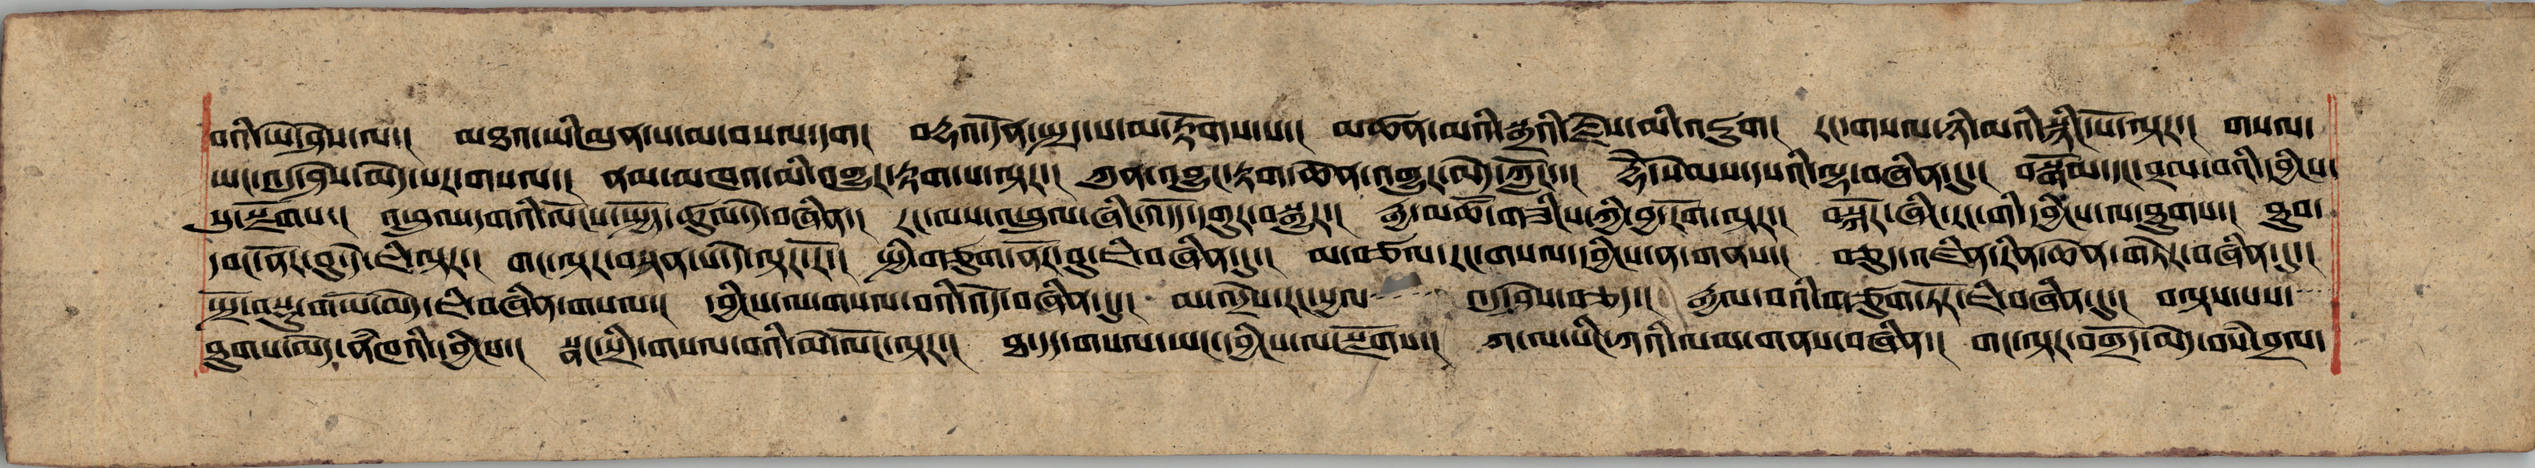བའི་ཡེ་ཤེས་ལ་། མཐའ་ཡི་མུན་པ་མ་བསལ་དག། བརྡའ་དོན་སྤྲད་པ་མ་རྟོགས་པ་། མཚན་མའི་སྒྲའི་རྗེས་མི་འཇུག། རང་གསལ་ཉི་མའི་སྙིང་པོ་ལྟར་། གསལ་
ཡང་འདུ་ཤེས་མེད་པར་གསལ་། ནམ་མཁའ་མི་འགྱུར་རྟག་པ་ཤར་། ཀུན་འབྱུང་རྟག་ཆེན་འགྱུར་མེད་ཀློང་་། རྡོེ་སེམས་དཔའི་ལྷ་བཞིན་དུ་། བསྒོམ་དང་བྲལ་བའི་དབྱིངས་
སུ་སྫོགས་། འཕྲུལ་དགའི་ལོངས་སྤྱོད་ཚུལ་དེ་བཞིན་། རང་ལས་འཕྲུལ་ཞིང་འདོད་དགུར་བསྒྱུར་། རྒྱ་མཚོ་གཟིངས་ཀྱི་བྱ་རོག་ལྟར་། བསྐོར་ཞིང་རང་གི་དབྱིངས་ལ་ཐུགས་། ཐུབ་
དབང་ནོར་བུ་དེ་ཇི་ལྟར་། གང་ལྟར་བསྟན་པ་དེ་ལྟར་རོ་། སྤྱི་གཙུག་ནོར་བུ་ཇི་བཞིན་དུ་། མ་བཙལ་རང་གསལ་དབྱིངས་ན་གནས་། བཅུད་འཛིན་རིན་ཆེན་གཏེར་བཞིན་དུ་།
སྤྲོ་བསྡུ་གཡོ་མེད་ཇི་བཞིན་གསལ་། དབྱིངས་ལ་གསལ་བའི་འོད་བཞིན་དུ་། མ་འདྲེས་རང་སྱལ་འདུ་ཤེས་བཅད་། རྒྱལ་བའི་གཙུག་ཏོར་ཇི་བཞིན་དུ་། བལྟས་པས་
ཐུགས་མེད་ནཾཁའི་དབྱིངས་། སྣང་སྲིད་གསལ་བའི་མེ་ལོང་ལྟར་། ཐ་དད་གསལ་ཡང་དབྱིངས་ལ་སྫོགས་། ཀ་ལ་པིང་ལའི་ལམ་གནས་བཞིན་། གང་ལྟར་བགྲོད་མེད་བསཾ་བྲལ་